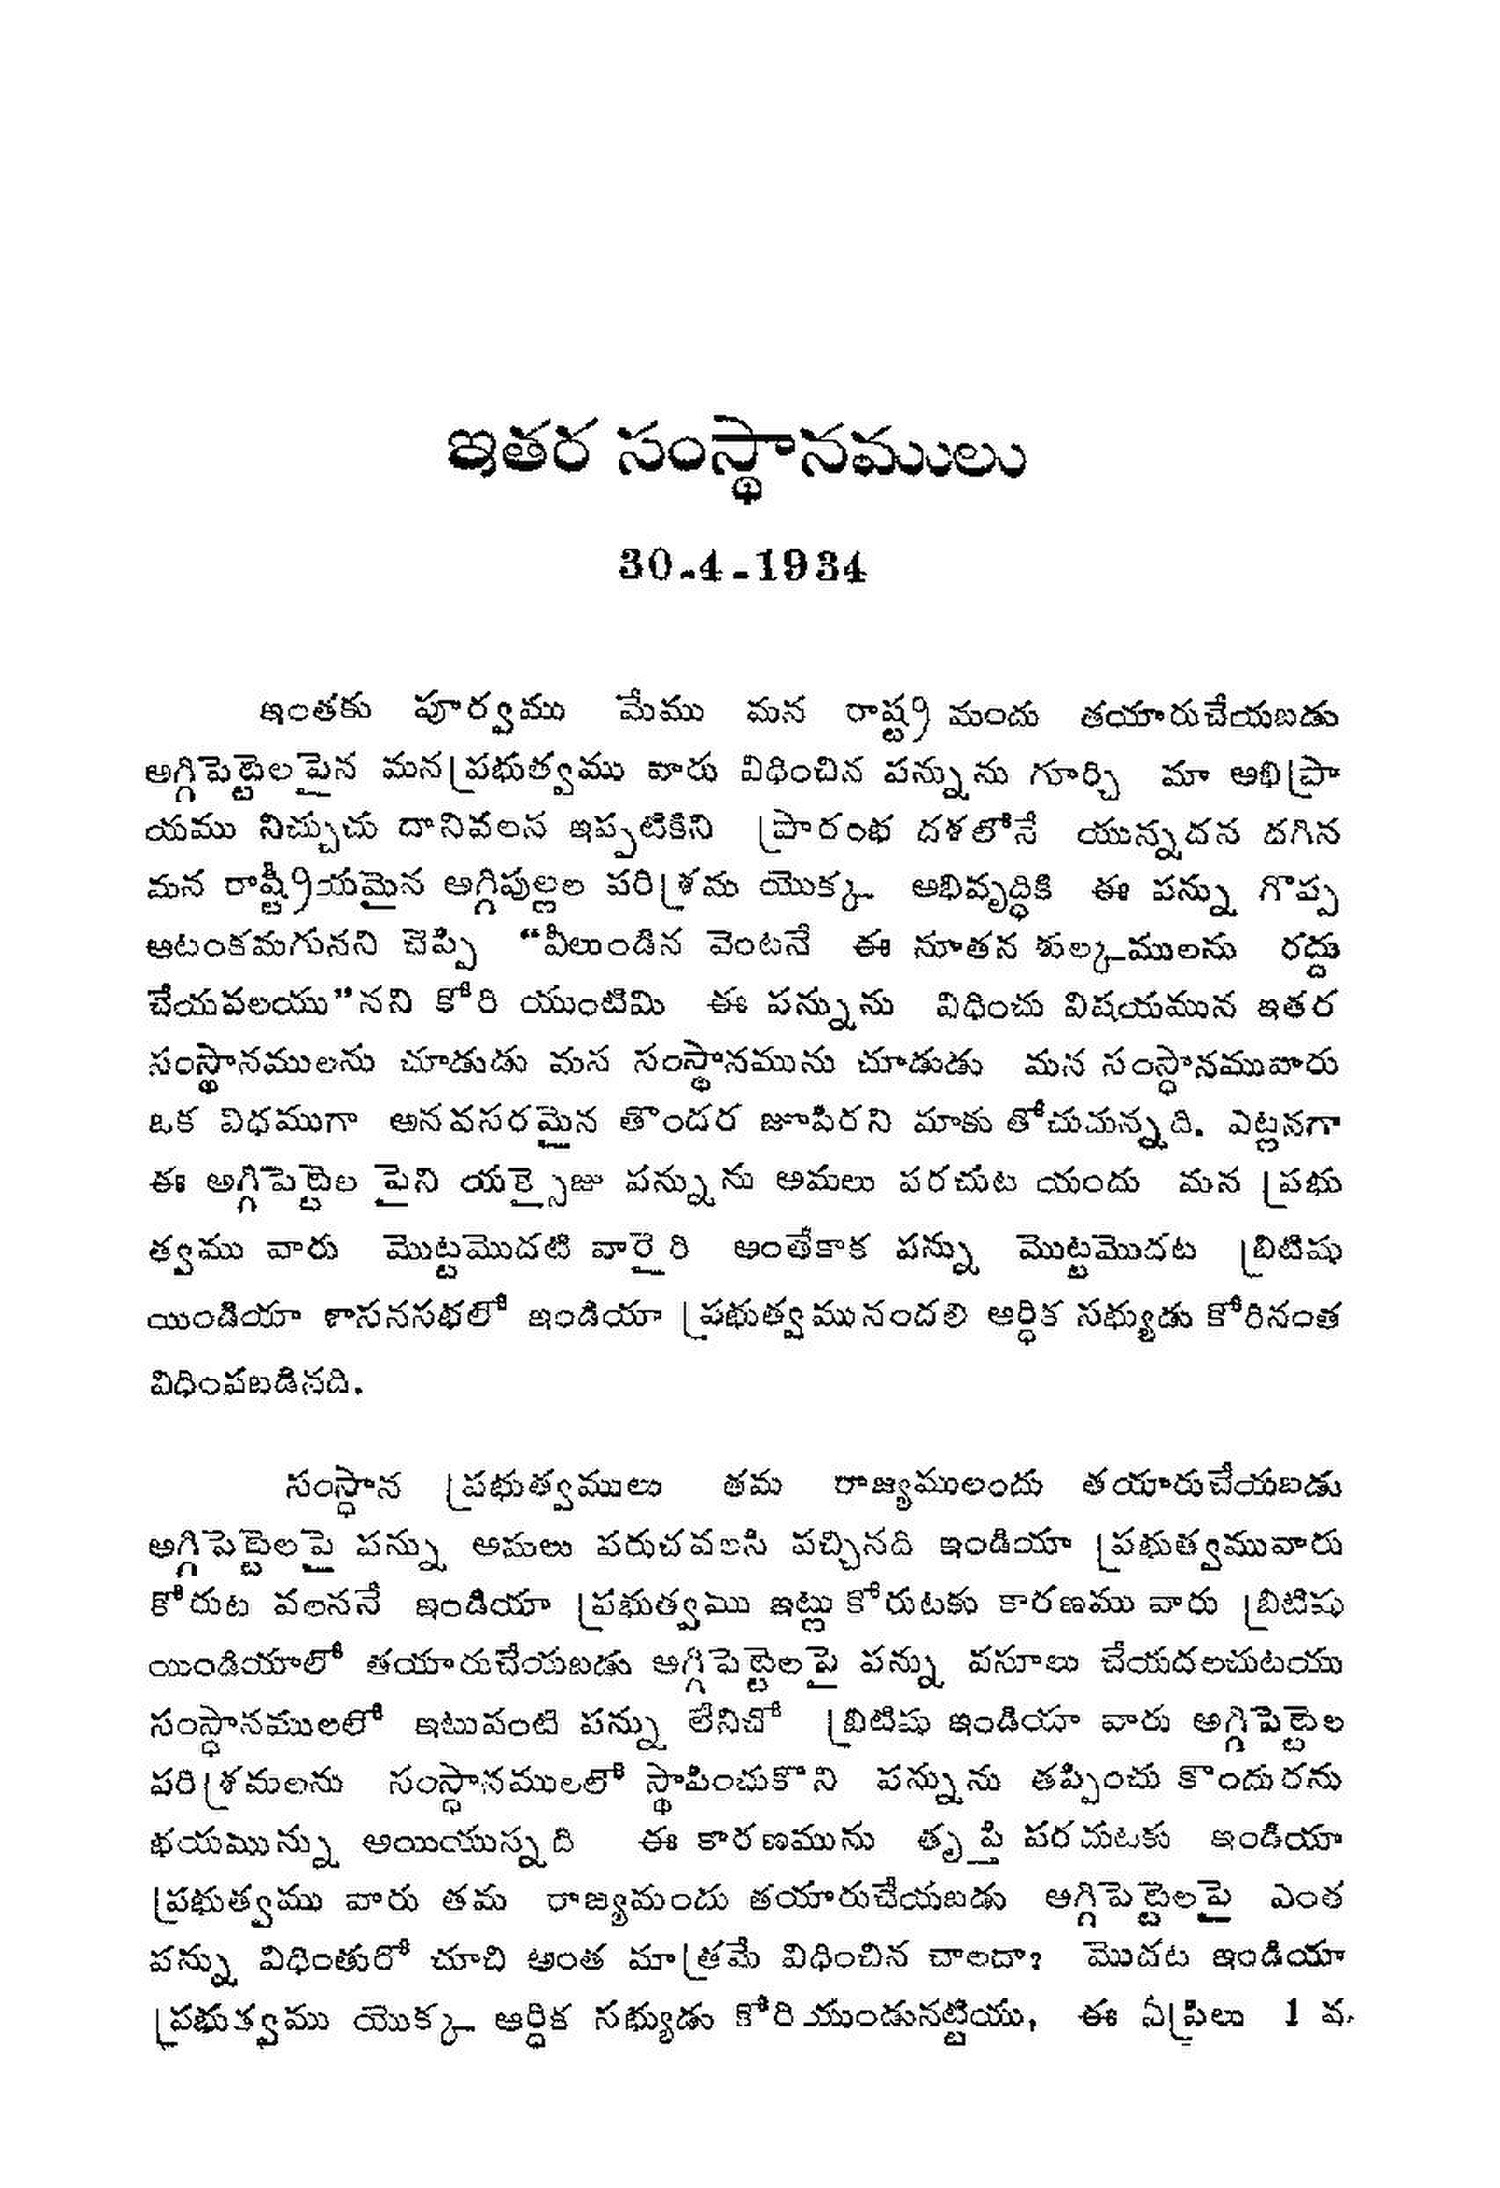ఇతర సంస్థానములు

30 - 4 - 1934

ఇంతకు పూర్వము మేము మన రాష్ట్ర మందు తయారుచేయబడు అగ్గిపెట్టెలపైన మనప్రభుత్వము వారు విధించిన పన్నును గూర్చి మా అభిప్రాయము నిచ్చుచు దానివలన ఇప్పటికిని ప్రారంభ దశలోనే యున్నదన దగిన మన రాష్ట్రీయమైన అగ్గిపుల్లల పరిశ్రమ యొక్క అభివృద్ధికి ఈ పన్ను గొప్ప ఆటంకమగునని చెప్పి "వీలుండిన వెంటనే ఈ నూతన శుల్కములను రద్దు చేయవలయు"నని కోరి యుంటిమి ఈ పన్నును విధించు విషయమున ఇతర
సంస్థానములను చూడుడు మన సంస్థానమును చూడుడు మన సంస్థానమువారు ఒక విధముగా అనవసరమైన తొందర జూపిరని మాకు తోచుచున్నది. ఎట్లనగా ఈ అగ్గిపెట్టెల పైని యక్సైజు పన్నును అమలు పరచుట యందు మన ప్రభుత్వము వారు మొట్టమొదటి వారైరి అంతేకాక పన్ను మొట్టమొదట బ్రిటిషు యిండియా శాసనసభలో ఇండియా ప్రభుత్వమునందలి ఆర్థిక సభ్యుడు కోరినంత విధింపబడినది.

సంస్థాన ప్రభుత్వములు తమ రాజ్యములందు తయారుచేయబడు అగ్గిపెట్టెలపై పన్ను అమలు పరుచవలసి వచ్చినది ఇండియా ప్రభుత్వమువారు కోరుట వలననే ఇండియా ప్రభుత్వము ఇట్లు కోరుటకు కారణము వారు బ్రిటిషు యిండియాలో తయారుచేయబడు అగ్గిపెట్టెలపై పన్ను వసూలు చేయదలచుటయు సంస్థానములలో ఇటువంటి పన్ను లేనిచో బ్రిటిషు ఇండియా వారు అగ్గిపెట్టెల పరిశ్రమలను సంస్థానములలో స్థాపించుకొని పన్నును తప్పించు కొందురను భయమున్ను అయియున్నది ఈ కారణమును తృప్తి పరచుటకు ఇండియా ప్రభుత్వము వారు తమ రాజ్యమందు తయారుచేయబడు ఆగ్గిపెట్టెలపై ఎంత పన్ను విధింతురో చూచి అంత మాత్రమే విధించిన చాలదా? మొదట ఇండియా ప్రభుత్వము యొక్క ఆర్ధిక సభ్యుడు కోరి యుండునట్టియు, ఈ ఏప్రిలు 1 వ.